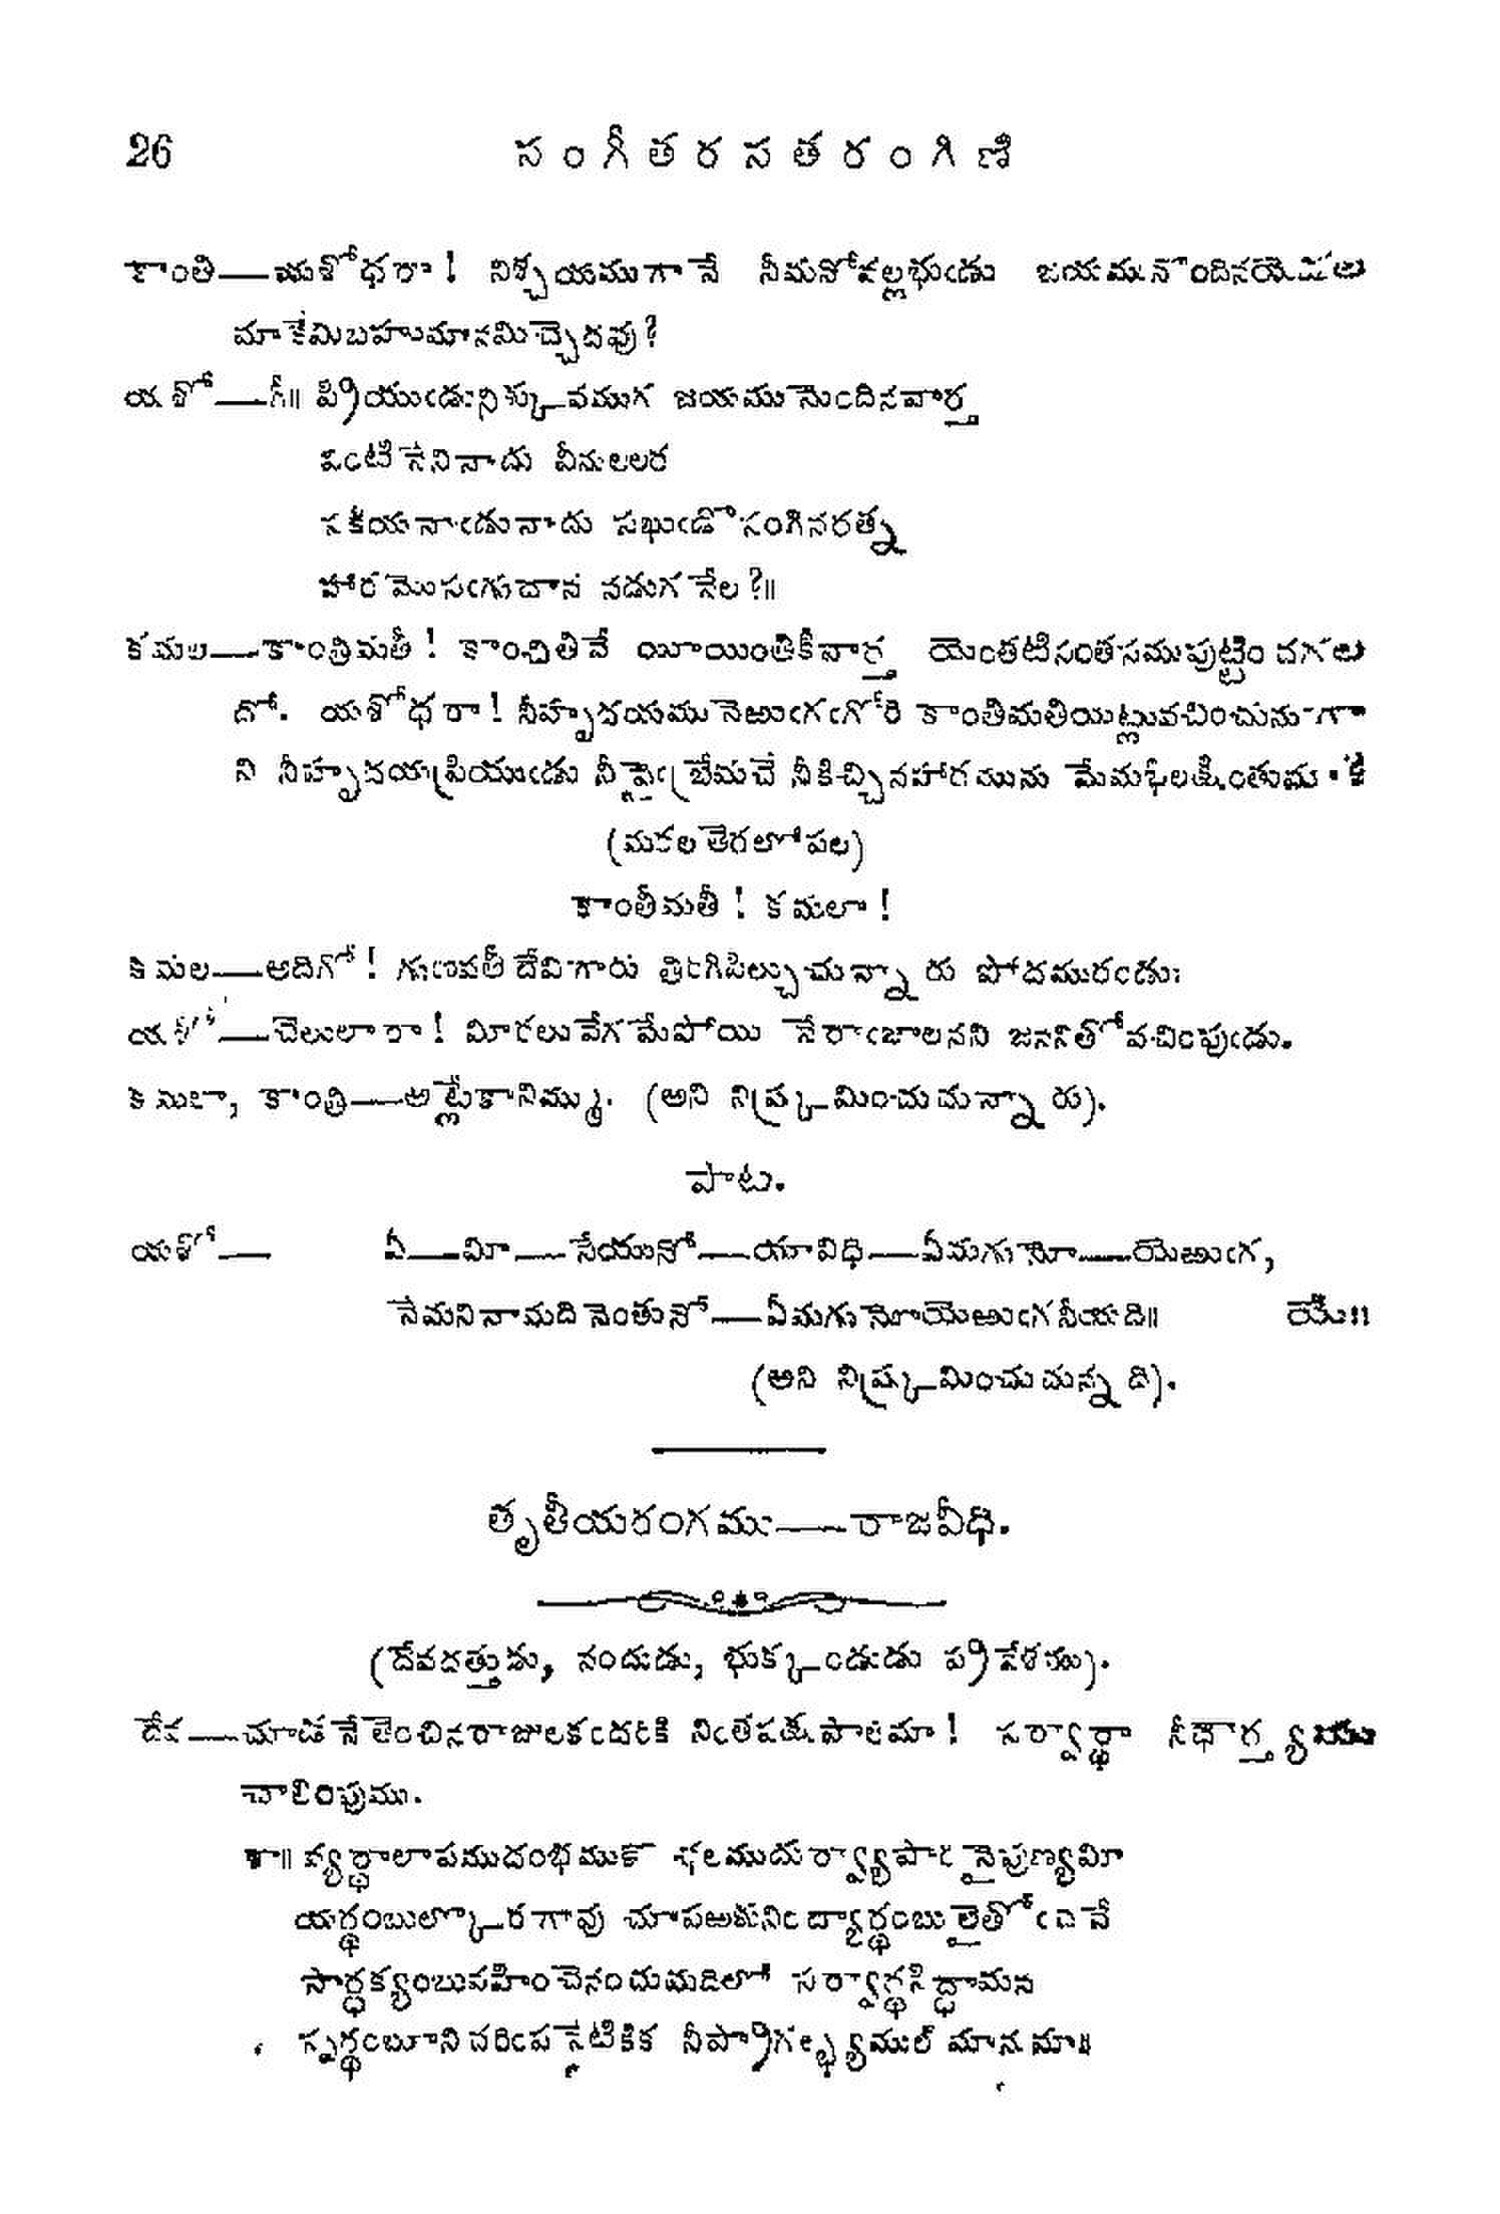కాంతి — యశోధరా! నిశ్చయముగానే నీమనోవల్లభుఁడు జయమునొందినయెడల మాకేమిబహుమానమిచ్చెదవు?

యశో - గీ॥ ప్రియుఁడునిక్కువముగ జయము మేందినవార్త
వింటినేనినాడు వీనులలర
సకీయనాఁడునాడు సఖుఁడోసంగినరత్న
హారమొసఁగుదాన నడుగనేల?॥ 

కమల - కాంతిమతీ! కాంచితినే యీయింతికివార్త యెంతటి సంతసముపుట్టించగలదో. యశోధరా! నీహృదయము నెఱుఁగఁగోరి కాంతిమతియిట్లువచించునుగాని నీహృదయప్రియుఁడు నీ పైఁబ్రేమిచే నీకిచ్చినహారమును మేమభిలక్ష్మీంతుమ? 

కిమల — అదిగో! గుణవతీదేవిగారు తిరగిపిల్చుచున్నారు పోదమురండు:

యశో - చెలులారా! మీరలువేగమేపోయి నేరాఁజాలనని జననితో వచింపుఁడు.

కమల, కాంతి —— అట్లే కానిమ్ము. (అని నిష్క్రమించుచున్నారు).

ఏ ౼ సేయునో ౼ యానిధి ఏనుగుమో ౼ యెఱుఁగ 
నేమనినామదినెంతునో ౼ ఏనుగుమోయెఱుఁగనీయది॥ ॥యే॥ 

 

దేవ — చూడనేతెంచినరాజులకందరికి నింతపక్షపాతమా! సర్వార్థ నీదౌర్త్యము చాలింపుము.

శా॥ వ్యర్ధాలాపముదంభము౯ చలముదుర్వ్యాపార నైపుణ్యమా
యర్థంబుల్కొరగావు చూపఱనింద్యార్థంబులైతోఁచవే
సార్ధక్యంబువహించెనంచుమదిలో సర్వార్థసిద్ధామన
స్పర్ధంబూనిచరింపనేటికిక నీప్రాగల్భ్యముల్ మానమా॥